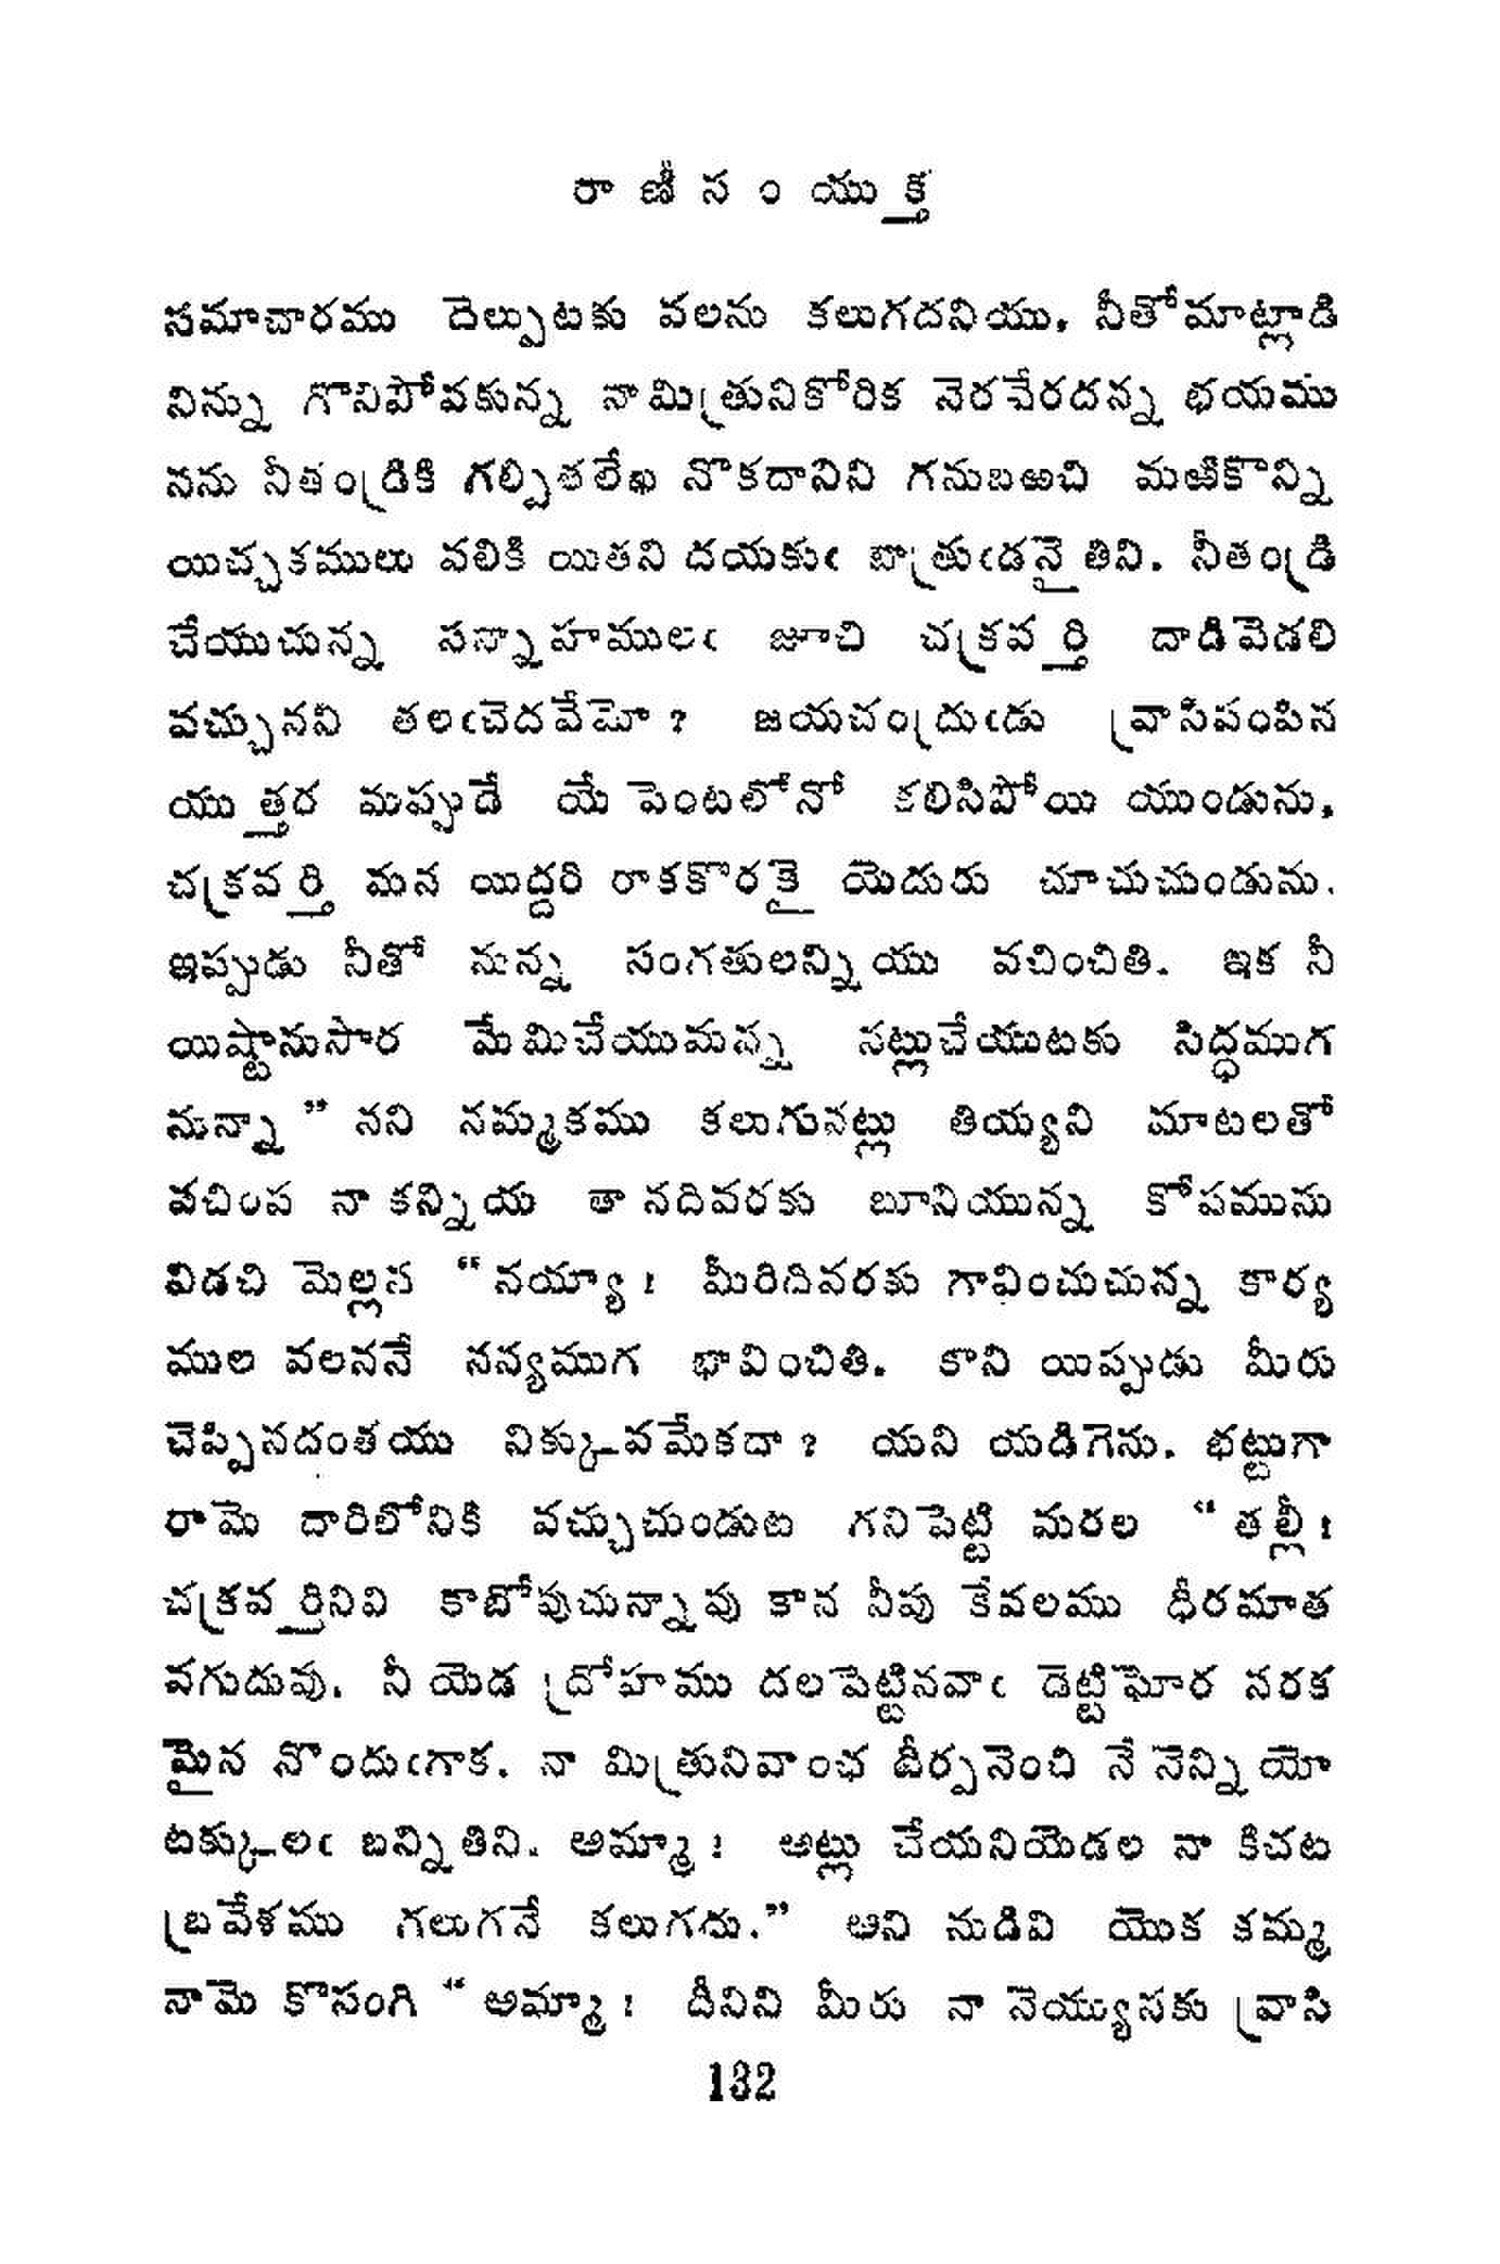సమాచారము దెల్పుటకు వలను కలుగదనియు, నీతోమాట్లాడి నిన్ను గొనిపోవకున్న నా మిత్రునికోరిక నెరవేరదన్న భయము నను నీతండ్రికి గల్పితలేఖ నొకదానిని గనుబఱచి మఱికొన్ని యిచ్చకములు పలికి యితని దయకుఁ బాత్రుఁడనైతిని. నీతండ్రి చేయుచున్న సన్నాహములఁ జూచి చక్రవర్తి దాడివెడలి వచ్చునని తలఁచెదవేమో ? జయచంద్రుఁడు వ్రాసిపంపిన యుత్తర మప్పుడే యే పెంటలోనో కలిసిపోయి యుండును, చక్రవర్తి మన యిద్దరి రాకకొరకై యెదురు చూచుచుండును. ఇప్పుడు నీతో నున్న సంగతులన్నియు వచించితి. ఇక నీ యిష్టానుసార మేమిచేయుమన్న నట్లుచేయుటకు సిద్ధముగ నున్నా " నని నమ్మకము కలుగునట్లు తియ్యని మాటలతో వచింప నా కన్నియ తా నదివరకు బూనియున్న కోపమును విడచి మెల్లన "నయ్యా! మీరిదివరకు గావించుచున్న కార్యముల వలననే నన్యముగ భావించితి. కాని యిప్పుడు మీరు చెప్పినదంతయు నిక్కువమేకదా? యని యడిగెను. భట్టుగారామె దారిలోనికి వచ్చుచుండుట గనిపెట్టి మరల "తల్లీ ! చక్రవర్తినివి కాబోవుచున్నావు కాన నీవు కేవలము ధీరమాత వగుదువు. నీ యెడ ద్రోహము దలపెట్టినవాఁ డెట్టిఘోర నరకమైన నొందుఁగాక. నా మిత్రునివాంఛ దీర్పనెంచి నే నెన్నియో టక్కులఁ బన్నితిని. అమ్మా ! ఆట్లు చేయనియెడల నా కిచట బ్రవేశము గలుగనే కలుగదు." ఆని నుడివి యొక కమ్మ నామె కొసంగి " అమ్మా! దీనిని మీరు నా నెయ్యునకు వ్రాసి